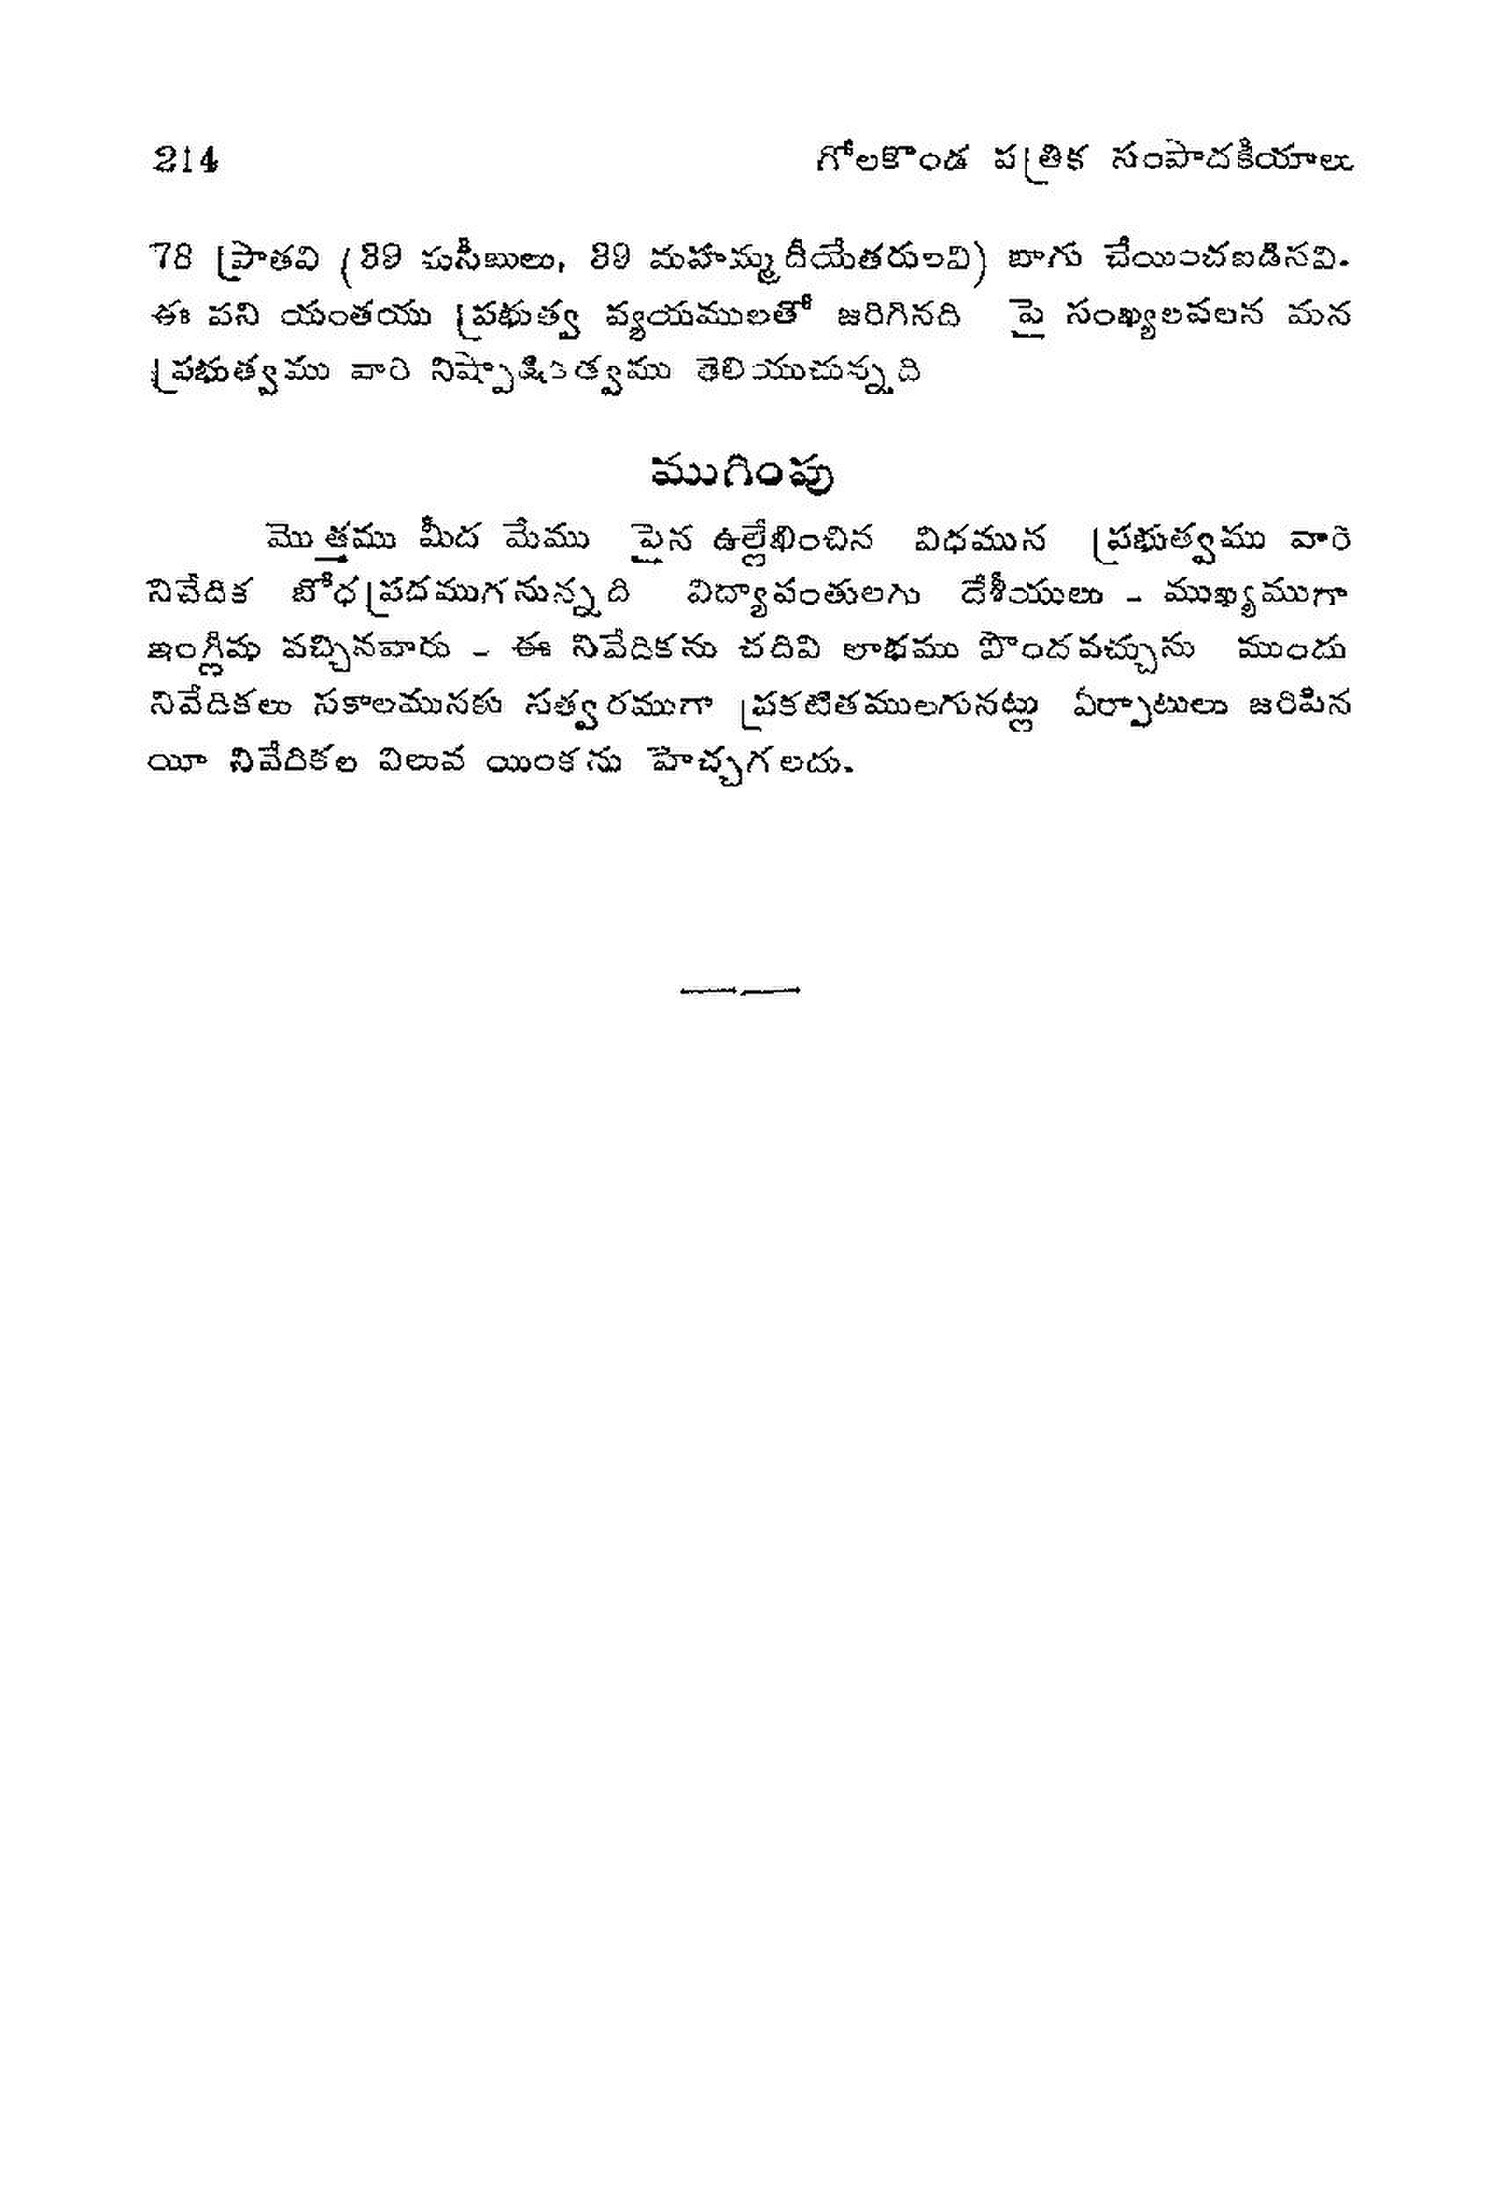78 ప్రాతవి (39 మసీబులు, 39 మహమ్మదీయేతరులవి) బాగు చేయించబడినవి. ఈ పని యంతయు ప్రభుత్వ వ్యయములతో జరిగినది పై సంఖ్యలవలన మన ప్రభుత్వము వారి నిష్పాక్షికత్వము తెలియుచున్నది

ముగింపు

మొత్తము మీద మేము పైన ఉల్లేఖించిన విధమున ప్రభుత్వము వారి నివేదిక బోధప్రదముగనున్నది విద్యావంతులగు దేశీయులు - ముఖ్యముగా ఇంగ్లీషు వచ్చినవారు - ఈ నివేదికను చదివి లాభము పొందవచ్చును ముందు నివేదికలు సకాలమునకు సత్వరముగా ప్రకటితములగునట్లు ఏర్పాటులు జరిపిన యీ నివేదికల విలువ యింకను హెచ్చగలదు.